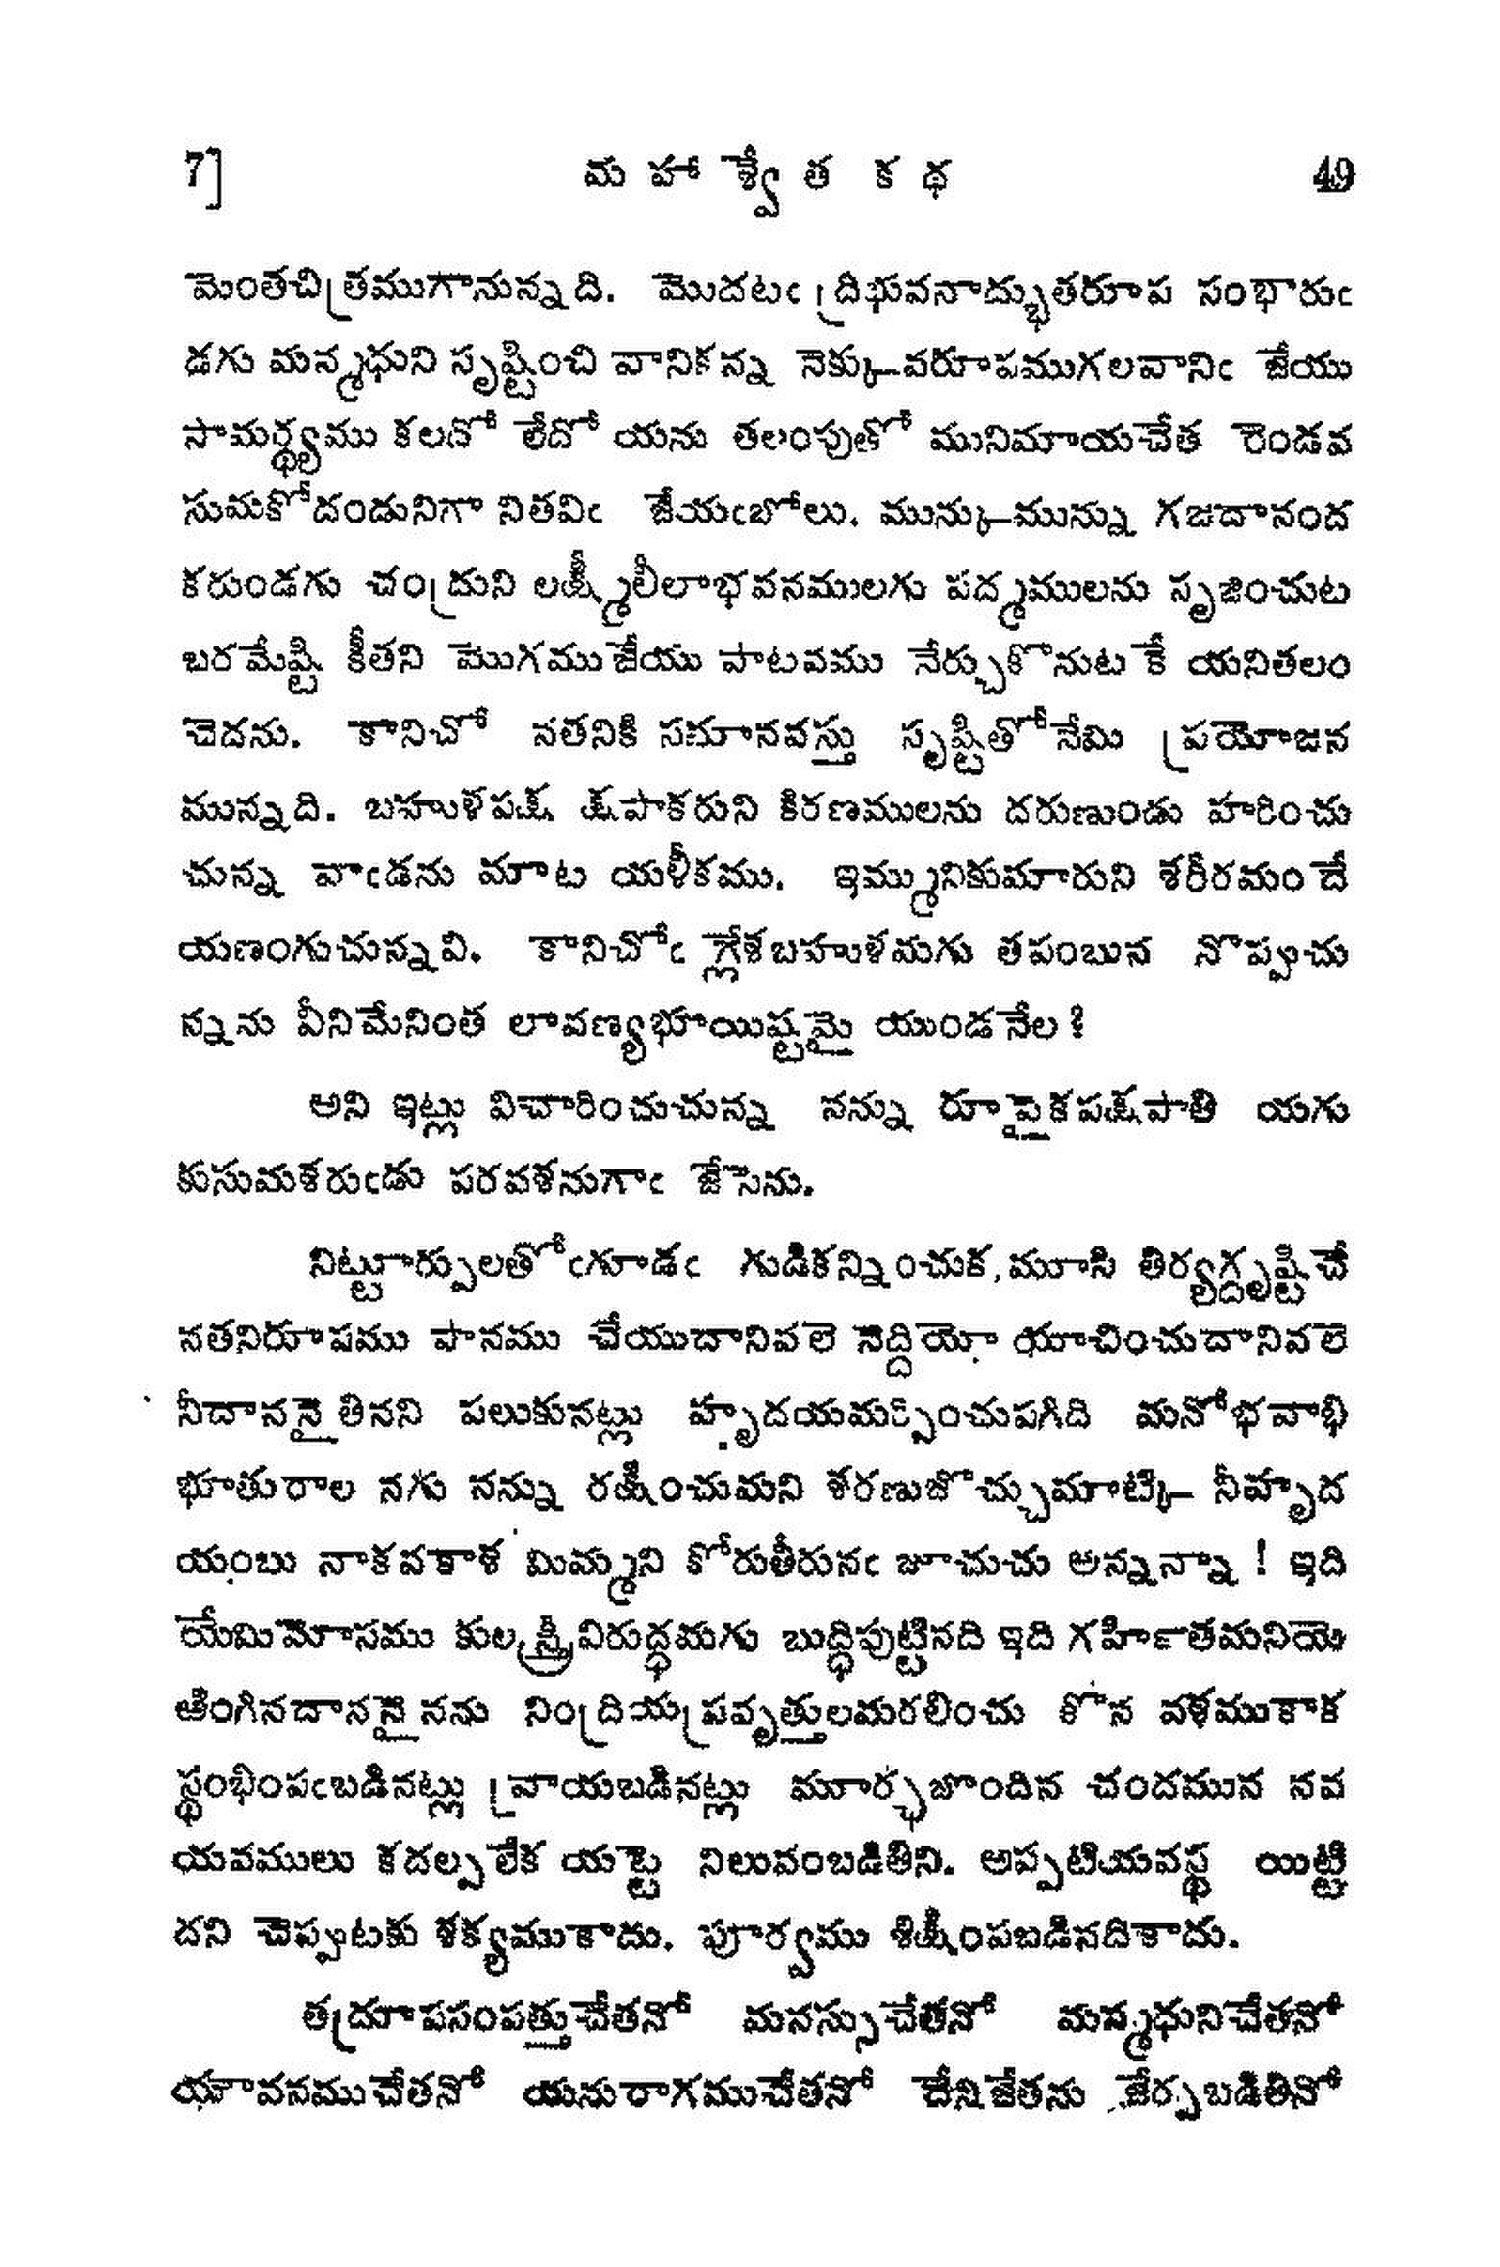మెంతచిత్రముగానున్నది. మొదటఁ ద్రిభువనాద్భుతరూప సంభారుఁడగు మన్మధుని సృష్టించి వానికన్న నెక్కువరూపముగలవానిఁ జేయు సామర్థ్యము కలదో లేదో యను తలంపుతో మునిమాయచేత రెండవ సుమకోదండునిగా నితవిఁ జేయఁబోలు. మున్కుమున్ను గజదానంద కరుండగు చంద్రుని లక్ష్మీలీలాభవనములగు పద్మములను సృజించుట బరమేష్టి కీతని మొగముజేయు పాటవము నేర్చుకొనుట కే యనితలంచెదను. కానిచో నతనికి సమానవస్తు సృష్టితోనేమి ప్రయోజన మున్నది. బహుళపక్ష క్షపాకరుని కిరణములను దరుణుండు హరించు చున్న వాఁడను మాట యళీకము. ఇమ్మునికుమారుని శరీరమందే యణంగుచున్నవి. కానిచోఁ గ్లేశబహుళమగు తపంబున నొప్పుచున్నను వీనిమేనింత లావణ్యభూయిష్టమై యుండనేల?

అని ఇట్లు విచారించుచున్న నన్ను రూపైకపక్షపాతి యగు కుసుమశరుఁడు పరవశనుగాఁ జేసెను.

నిట్టూర్పులతోఁగూడఁ గుడికన్నించుక, మూసి తిర్యగ్దృష్టిచే నతనిరూపము పానము చేయుదానివలె నెద్దియో యాచించుదానివలె నీదాననైతినని పలుకునట్లు హృదయమర్పించుపగిది మనోభవాభి భూతురాల నగు నన్ను రక్షించుమని శరణుజొచ్చుమాట్కి నీహృదయంబు నాకవకాశ మిమ్మని కోరుతీరునఁ జూచుచు అన్నన్నా! ఇది యేమిమోసము కులస్త్రీవిరుద్ధమగు బుద్ధిపుట్టినది ఇది గహి౯తమనియె ఱింగినదాననైనను నింద్రియప్రవృత్తుల మరలించు కొన వశముకాక స్థంభింపఁబడినట్లు వ్రాయబడినట్లు మూర్ఛబొందిన చందమున నవయవములు కదల్పలేక యట్టె నిలువంబడితిని. అప్పటియవస్థ యిట్టిదని చెప్పుటకు శక్యముకాదు. పూర్వము శిక్షింపబడినదికాదు.

తద్రూపసంపత్తుచేతనో మనస్సుచేతనో మన్మధునిచేతనో యౌవనముచేతనో యనురాగముచేతనో దేనిజేతను జేర్పబడితినో